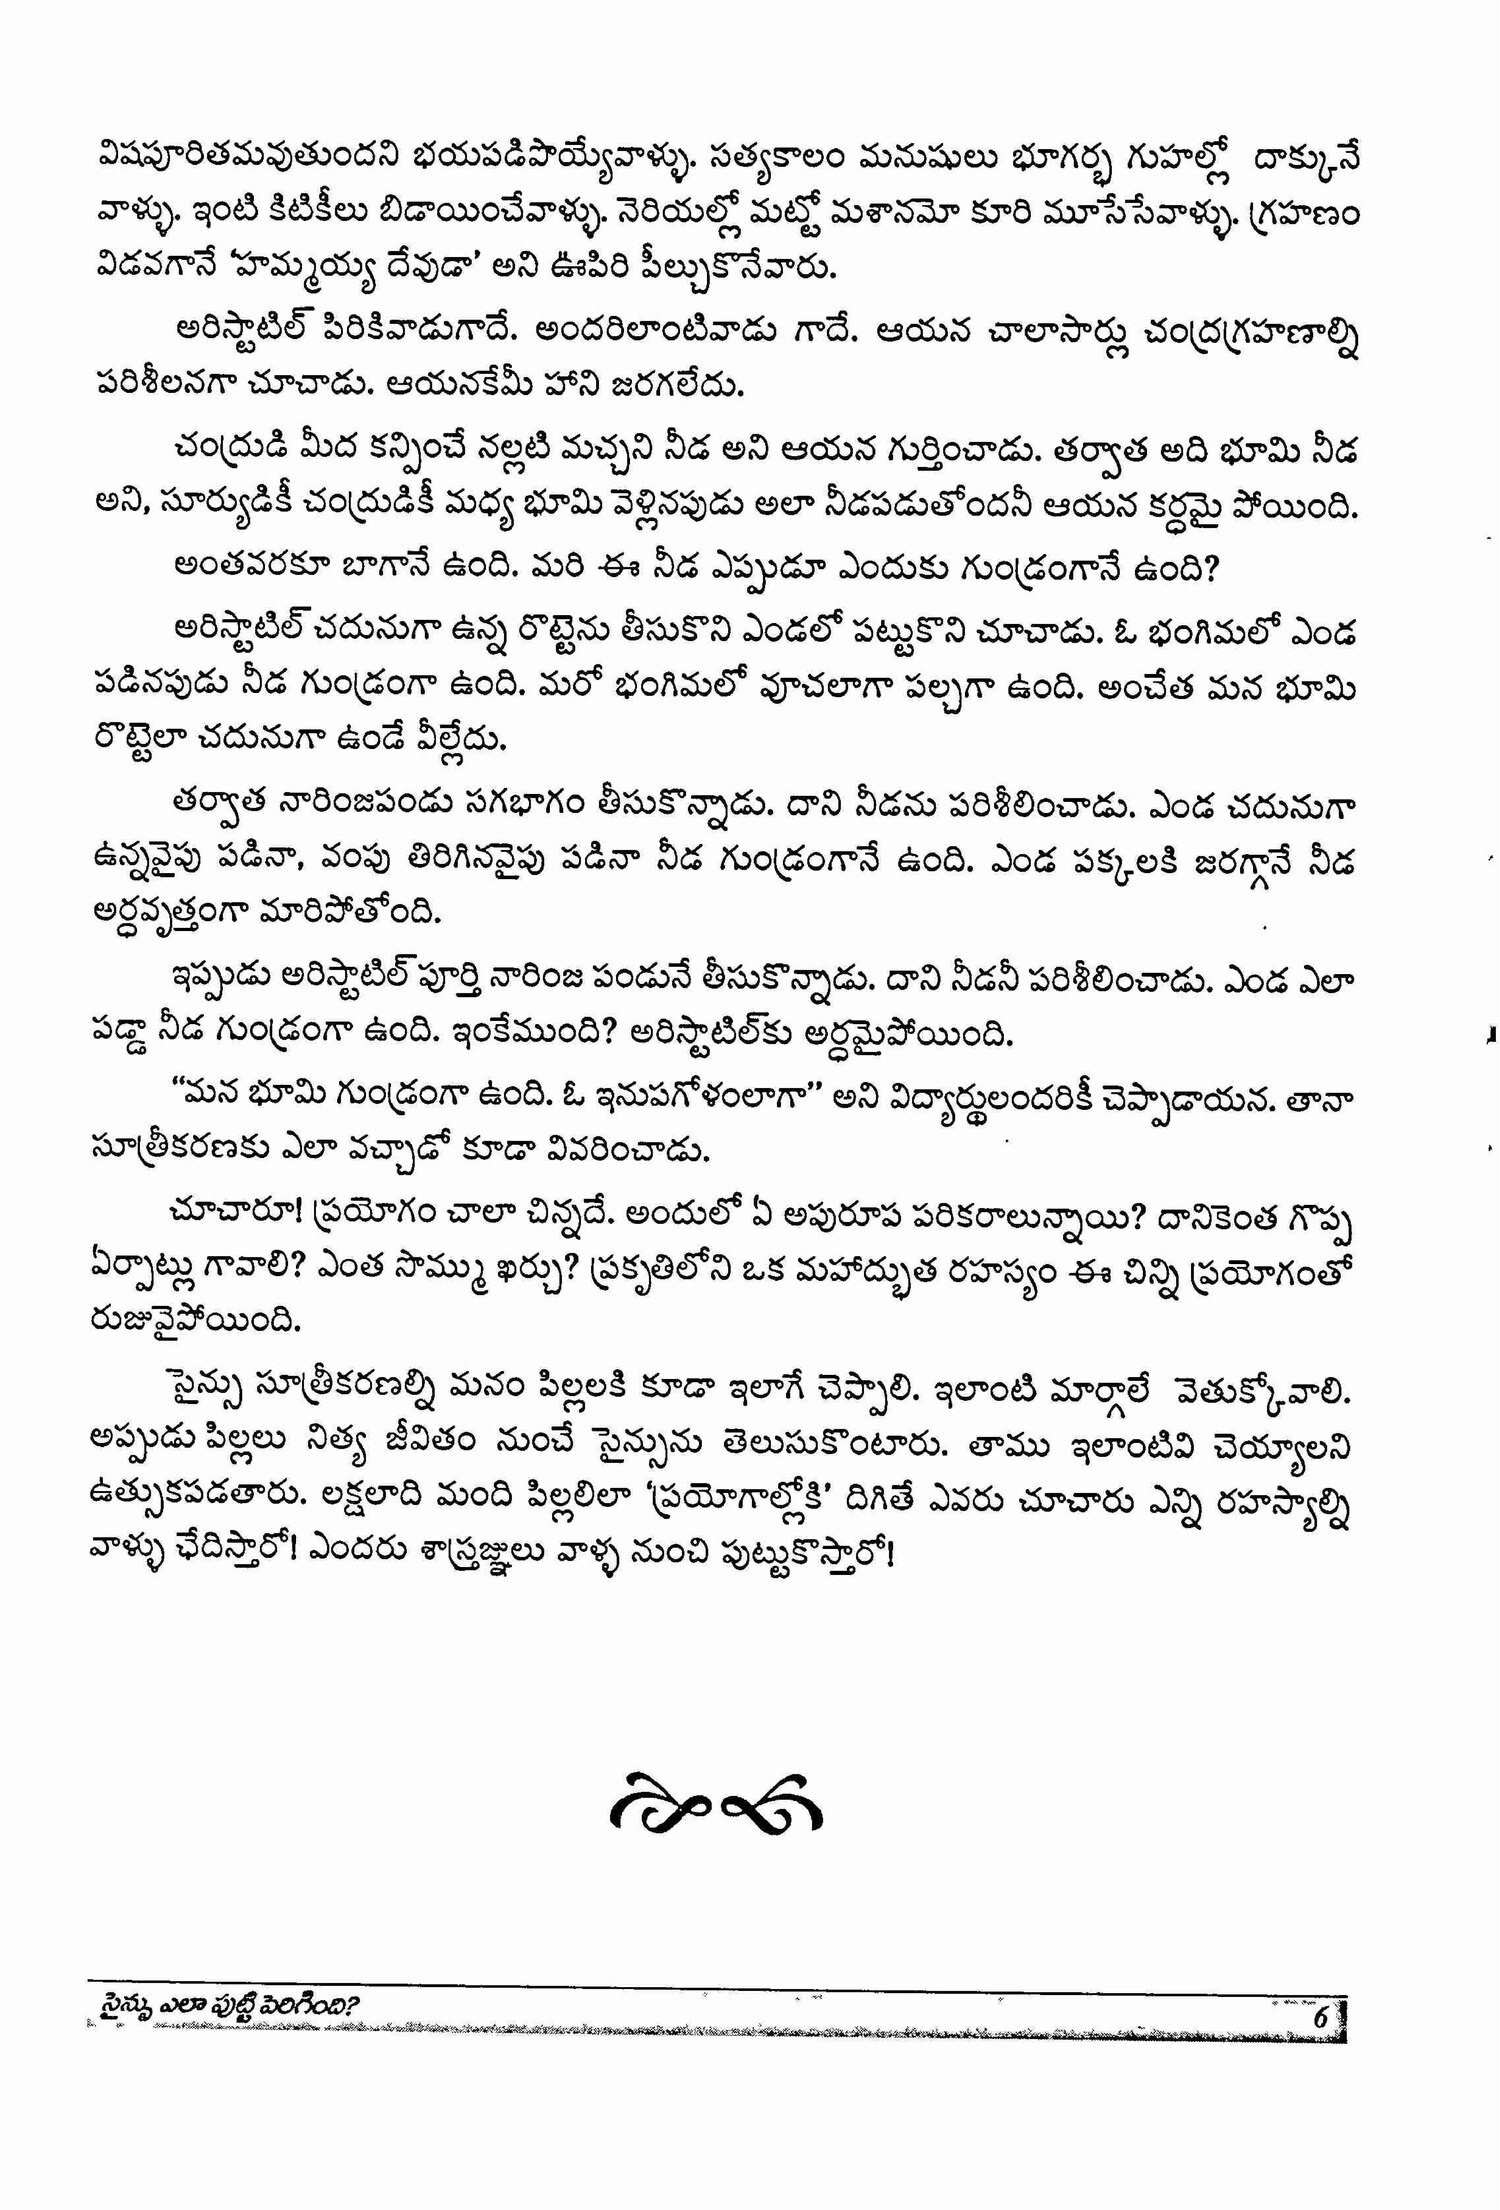విషపూరితమవుతుందని భయపడిపొయ్యేవాళ్ళు. సత్యకాలం మనుషులు భూగర్భ గుహల్లో దాక్కునే వాళ్ళు. ఇంటి కిటికీలు బిడాయించేవాళ్ళు. నెరియల్లో మట్టో మశానమో కూరి మూసేసేవాళ్ళు. గ్రహణం విడవగానే 'హమ్మయ్య దేవుడా' అని ఊపిరి పీల్చుకొనేవారు.

అరిస్టాటిల్ పిరికివాడుగాదే. అందరిలాంటివాడు గాదే. ఆయన చాలాసార్లు చంద్రగ్రహణాల్ని పరిశీలనగా చూచాడు. ఆయనకేమీ హాని జరగలేదు.

చంద్రుడి మీద కన్పించే నల్లటి మచ్చని నీడ అని ఆయన గుర్తించాడు. తర్వాత అది భూమి నీడ అని, సూర్యుడికీ చంద్రుడికీ మధ్య భూమి వెళ్లినపుడు అలా నీడపడుతోందనీ ఆయన కర్ధమై పోయింది.

అంతవరకూ బాగానే ఉంది. మరి ఈ నీడ ఎప్పుడూ ఎందుకు గుండ్రంగానే ఉంది?

అరిస్టాటిల్ చదునుగా ఉన్న రొట్టెను తీసుకొని ఎండలో పట్టుకొని చూచాడు. ఓ భంగిమలో ఎండ పడినపుడు నీడ గుండ్రంగా ఉంది. మరో భంగిమలో వూచలాగా పల్చగా ఉంది. అంచేత మన భూమి రొట్టెలా చదునుగా ఉండే వీల్లేదు.

తర్వాత నారింజపండు సగభాగం తీసుకొన్నాడు. దాని నీడను పరిశీలించాడు. ఎండ చదునుగా ఉన్నవైపు పడినా, వంపు తిరిగినవైపు పడినా నీడ గుండ్రంగానే ఉంది. ఎండ పక్కలకి జరగ్గానే నీడ
అర్ధవృత్తంగా మారిపోతోంది.

ఇప్పుడు అరిస్టాటిల్ పూర్తి నారింజ పండునే తీసుకొన్నాడు. దాని నీడనీ పరిశీలించాడు. ఎండ ఎలా పడ్డా నీడ గుండ్రంగా ఉంది. ఇంకేముంది? అరిస్టాటిల్కు అర్ధమైపోయింది.

"మన భూమి గుండ్రంగా ఉంది. ఓ ఇనుపగోళంలాగా" అని విద్యార్థులందరికీ చెప్పాడాయన. తానా సూత్రీకరణకు ఎలా వచ్చాడో కూడా వివరించాడు.

చూచారూ! ప్రయోగం చాలా చిన్నదే. అందులో ఏ అపురూప పరికరాలున్నాయి? దానికెంత గొప్ప ఏర్పాట్లు గావాలి? ఎంత సొమ్ము ఖర్చు? ప్రకృతిలోని ఒక మహాద్భుత రహస్యం ఈ చిన్ని ప్రయోగంతో
రుజువైపోయింది.

సైన్సు సూత్రీకరణల్ని మనం పిల్లలకి కూడా ఇలాగే చెప్పాలి. ఇలాంటి మార్గాలే వెతుక్కోవాలి. అప్పుడు పిల్లలు నిత్య జీవితం నుంచే సైన్సును తెలుసుకొంటారు. తాము ఇలాంటివి చెయ్యాలని ఉత్సుకపడతారు. లక్షలాది మంది పిల్లలిలా 'ప్రయోగాల్లోకి దిగితే ఎవరు చూచారు ఎన్ని రహస్యాల్ని వాళ్ళు ఛేదిస్తారో! ఎందరు శాస్త్రజ్ఞులు వాళ్ళ నుంచి పుట్టుకొస్తారో!